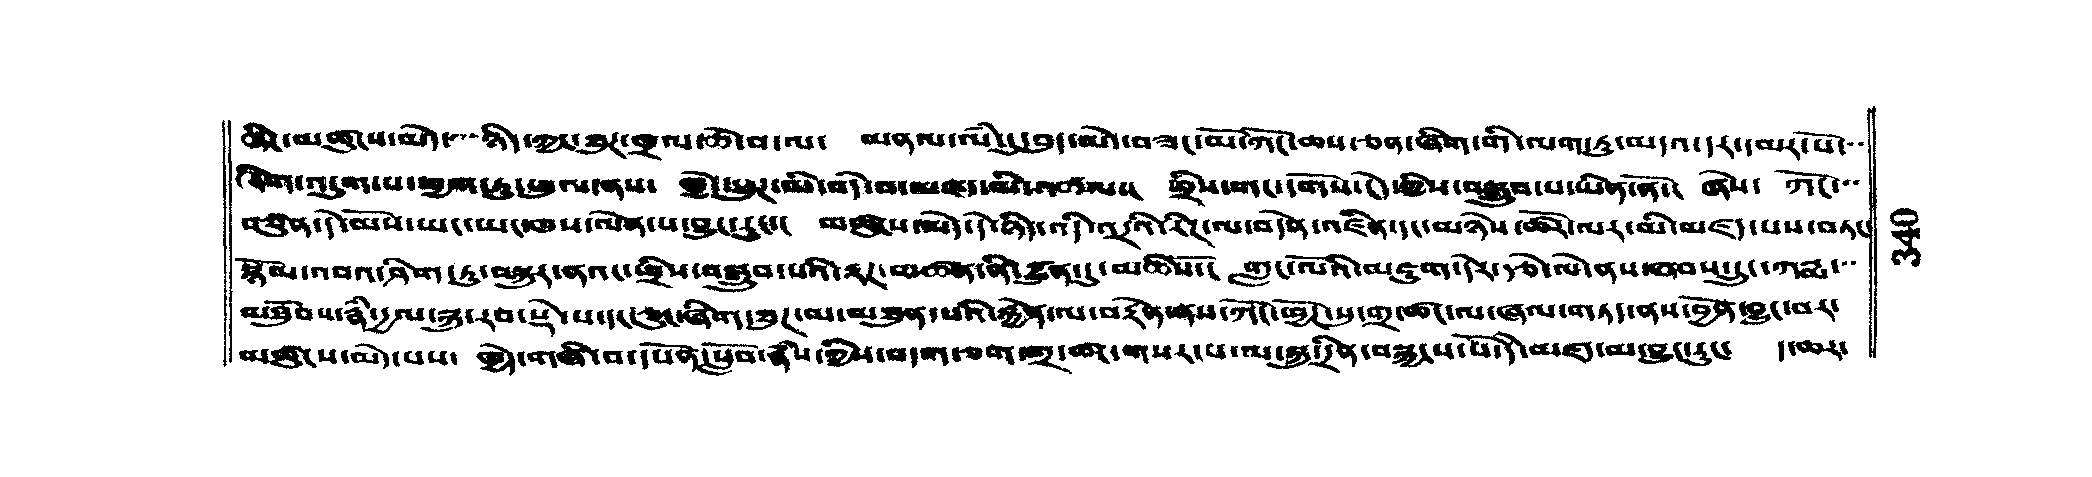ཞིང་མཚུངས་མེད་ཉིད་ཀྱང་ཐུགས་ཁྲལ་ཆེ་བ་ལ། མནལ་ལམ་དུ་བུད་མེད་བཟང་མོ་ཀོང་ཆས་ཅན་ཞིག་གི་ལག་ཏུ་མདའ་དར་དམར་པོ་
ཞིག་འདུག་པ་ཕྱག་ཏུ་ཕུལ་ནས། ཁྱེད་ཐུགས་མི་བདེ་བ་མཛད་མི་འཚལ། ཕྲིན་ལས་གང་དགོས་ངེད་ཀྱིས་བསྒྲུབ་པ་ཡིན་ནོ། ཞེས་ཀོང་
བཙུན་དེ་མོས་ཡང་ཡང་ཁས་ལེན་པ་བྱུང་རུང་། མཚུངས་མེད་དེ་ཉིད་འདི་འདྲའི་རིགས་ལ་བདེན་འཛིན་དང་མཉེས་ཚོར་ལར་མི་མཛད་པས་བཏང་
སྙོམས་འབའ་ཤིག་ཏུ་བསྐྱུར་ནའང་ཕྲིན་ལས་བསྒྲུབ་པའི་རྟགས་མཚན་ནི་རྒྱུན་དུ་མཆིས་སོ། གླང་ལོའི་མཇུག་དེར་རྩེ་ལེ་ནས་ཞབས་དྲུང་ཀརྨ་
མཐུ་སྟོབས་རྣམ་རྒྱལ་སྐུ་རབ་སྡེ་ས་དང་ཅུང་ཞིག་ཐུགས་མ་མཐུན་པའི་རྐྱེན་ལ་བརྟེན་ནས་ཀོང་ཕྱོགས་སུ་གྲྭ་ཚང་ལ་ཞལ་གཏད་ནས་བྱོན་བྱུང་བར་
མཚུངས་མེད་པས།ཁྱེད་གཞིས་ཀ་དཔོན་སློབ་རྣམས་ཀྱིས་བདག་ཅག་གྲྭ་ཚང་གསར་པ་ལ་སྐུ་དྲིན་བསྐྱངས་པོ་དེ་མཛད་མ་བྱུང་རུང་། ད་ཆར་